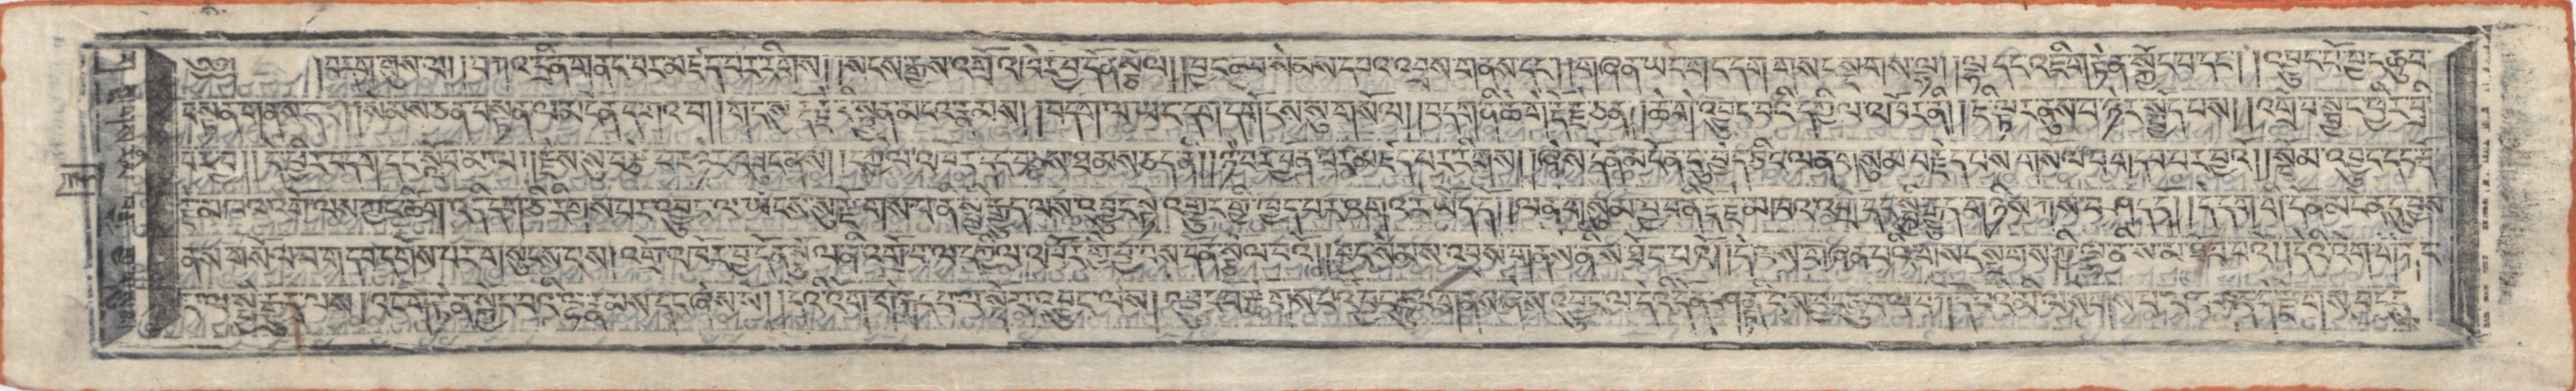༄༅། །བདག་གུས་ལ། །བཀའ་དྲིན་གནང་བར་མཛད་པར་རིགས། །སངས་རྒྱས་འགྲོ་འཁེར་བྱ་དོན་སྩོལ། །བྱང་ཆུབ་སེམས་དཔའ་འབྲས་གནས་དང་། །གཞན་ཡང་གང་དག་གསང་སྔགས་ལྷ། །ལྷ་དང་འཇིག་རྟེན་སྐྱོང་བ་དང་། །འབྱུང་པོ་བྱང་ཆུབ་
བསྟན་གནས་དང་། །སེམས་ཅན་བསྟན་ལ་མངོན་དགའ་བ། །གང་སུ་རྡོ་རྗེའི་སྤྱན་མངའ་རྣམས། །བདག་ལ་ཡང་དག་དགོངས་སུ་གསོལ། །བདག་ནི་ཆེ་གེ་རྡོ་རྗེ་ཅན། །ཆེ་གེ་འབྱུང་བའི་དཀྱིལ་འཁོར་ནི། །ཇི་ལྟར་ནུས་པ་ཉེར་སྤྱོད་པས། །འགྲོ་བ་སྦྱང་ཕྱིར་བྲི་
བར་བྱ། །དེ་ཕྱིར་བདག་དང་སློབ་མ་ལ། །རྗེས་སུ་བརྩེ་བར་ཉེར་བཟུང་ནས། །དཀྱིལ་འཁོར་དང་བཅས་ཐམས་ཅད་ནི། །ཉེ་བར་བྱོན་པར་མཛད་པར་རིགས། །ཞེས་དོན་མངོན་དུ་བྱེད་ཅིང་ལན་གསུམ་བརྗོད་པས་གསོལ་བ་གདབ་པར་བྱའོ། །སྡོམ་འབྱུང་དང་རྡོ་
རྗེ་མཁའ་འགྲོ་ལས་ཀྱང་ཚིག་འདི་དག་ཅི་རིགས་པར་འབྱུང་ལ་ཡོངས་སུ་རྫོགས་པ་ནི་སྤྱི་རྒྱུད་ལས་འབྱུང་སྟེ་འགྱུར་གྱི་ཁྱད་པར་འགའ་རེ་ཡོད་དོ། །ལན་གསུམ་བྱ་བ་ནི་རྡོ་རྗེ་མཁའ་འགྲོ་དང་སྤྱི་རྒྱུད་གཉིས་ཀས་བཤད་དོ། །དེ་དག་གི་དོན་མངོན་དུ་བྱས་
ནས་གསོལ་བ་གདབ་དགོས་པར་གསུངས་པས། འགྲོ་འཁོར་བྱ་དོན་སྩོལ་ནི་འགྲོ་བ་ལ་དཀྱིལ་འཁོར་གྱི་བྱ་བས་དོན་སྩོལ་བའོ། །བྱང་སེམས་འབྲས་གནས་ནི་ས་ཐོབ་པའོ། །དེ་ལས་གཞན་པའི་གསང་སྔགས་ཀྱི་ལྷ་ནི་ས་མ་ཐོབ་པའོ། །དེའི་འོག་གི་རྐང་
པ་ལ་སྤྱི་རྒྱུད་ལས། འཇིག་རྟེན་སྐྱོང་བའི་ལྷ་རྣམས་དང་ཞེས་སོ། །དེའི་འོག་གི་རྐང་པ་ལ་སྡོམ་འབྱུང་ལས། འབྱུང་པོ་རྫོགས་པའི་བྱང་ཆུབ་གནས་ཞེས་འབྱུང་ལ་དེའི་དོན་ཤནྟི་པས་བྱང་ཆུབ་ལ་བཀོད་པའི་མི་ལ་སོགས་པ་ལ་བཤད་དེ་རྫོགས་བྱང་དུ་